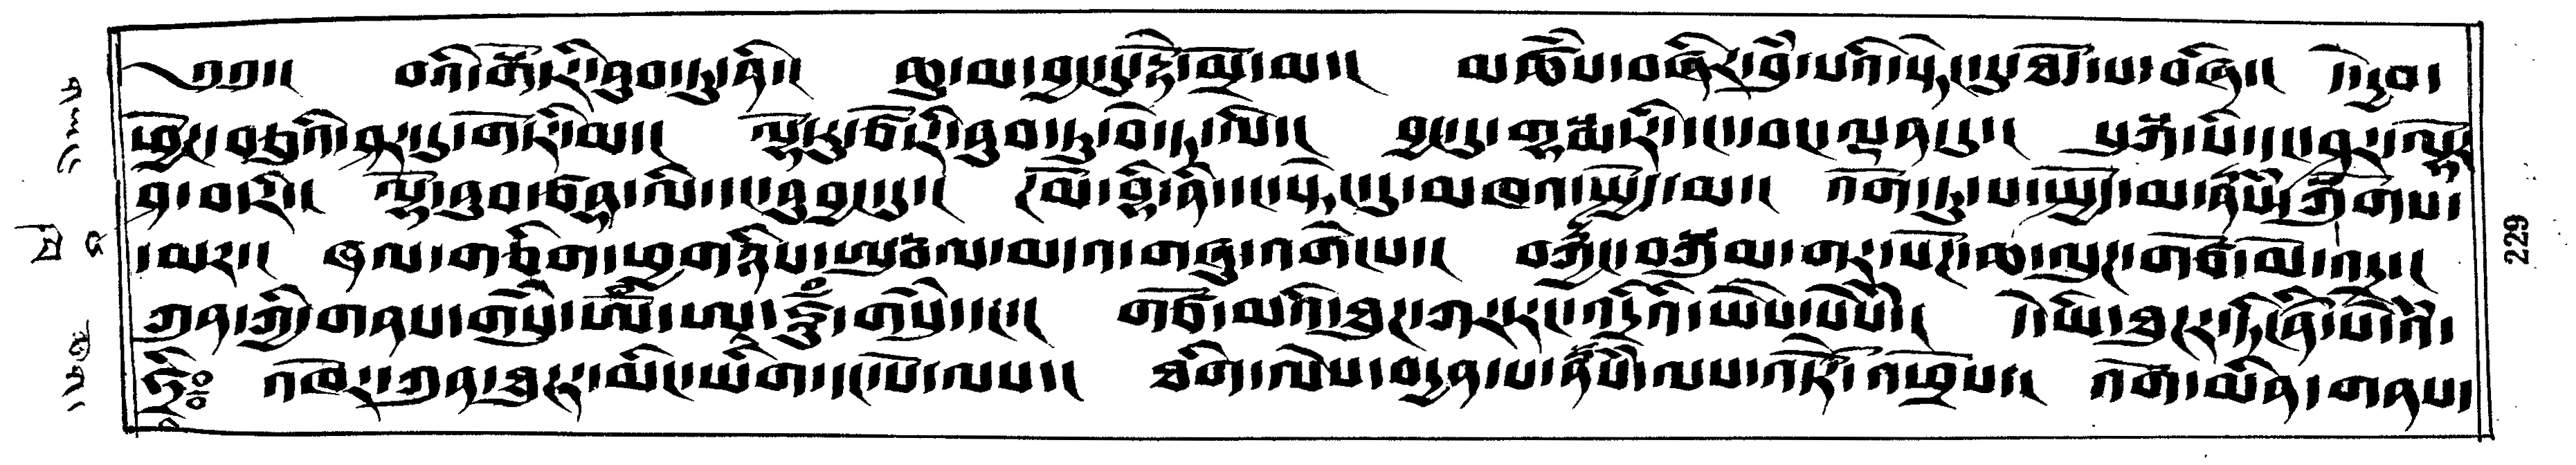བའི་སྒཽ་རི་ནུབ་ཏུ་ནི། །ཆུ་མ་བྱང་དུ་རྡོ་རྗེ་མཁའ་འགྲོ་མ། །མཚམས་བཞིར་བུམ་པའི་སྟེང་དུ་ཐོད་པ་བཞི། །དེ་རྒྱབ་
ཕྱོགས་བཅུའི་ཤར་དུ་གོ་རི་མ། །ལྷོ་རུ་ཙོ་རི་ནུབ་ཏུ་བེ་ཏ་ལི། །བྱང་དུ་གྷསྨ་རི་དང་དབང་ལྡན་དུ། །པུསྐ་སི་དང་ཤར་ལྷོར་
ཤ་བ་རི། །ལྷོ་ནུབ་ཙནྡྲ་ལི་དང་ནུབ་བྱང་དུ། །ཌོམ་བྷི་ནི་དང་སྟེང་དུ་མཁའ་སྤྱོད་མ། །འོག་ཏུ་ས་སྤྱོད་མ་རྣམས་སྐུ་མདོག་
དམར། །ཞལ་གཅིག་ཕྱག་གཉིས་ཨུཏྤལ་མདའ་གཞུ་འགེངས། །བརྐྱང་བསྐུམ་གར་སོགས་ཆ་ལུགས་གཙོ་མོ་འདྲ། །
ཀུན་ཀྱི་གནས་གསུམ་ཨོཾ་ཨཱ་ཧཱུྃ་གསུམ་དང་། །གཙོ་མོའི་ཐུགས་ཀར་རང་འདྲའི་ཡེ་ཤེས་སེམས། །དེ་ཡི་ཐུགས་ཀར་ཏིང་འཛིན་སེམས་དཔའ་
ཧྲཱི༔འཁོར་ཀུན་ཐུགསཀར་མིང་ཡིག་དང་པོ་ལས། །ཐིག་ལེས་བརྒྱན་པ་རྣམས་ལས་འོད་ཟེར་འཕྲོས། །འོག་མིན་གནས་